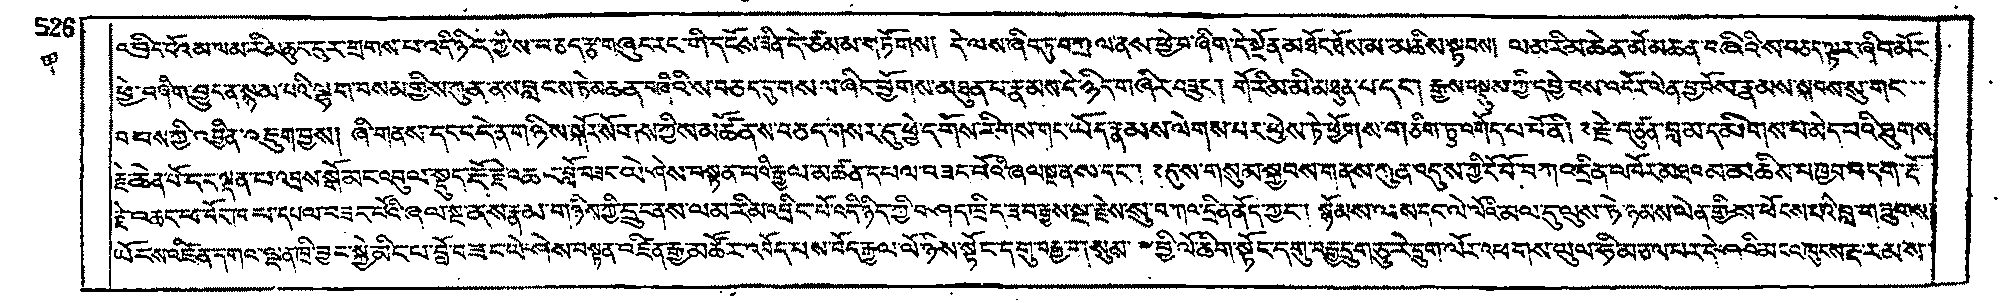འབྲིང་པོའམ་ལམ་རིམ་ཆུང་དུར་གྲགས་པ་འདི་ཉིད་ཀྱི་ས་བཅད་རྩ་གཞུང་རང་གི་དངོས་ཟིན་དེ་ཙམ་མ་གཏོགས། དེ་ལས་ཞིབ་ཏུ་བཀྲལ་ནས་ཕྱེ་བ་ཞིག་དེ་སྔོན་མཐོང་ཐོས་མ་མཆིས་སྟབས། ལམ་རིམ་ཆེན་མོ་མཆན་བཞིའི་ས་བཅད་ལྟར་ཞིབ་མོར་
ཕྱེ་བ་ཞིག་བྱུང་ན་སྙམ་པའི་ལྷག་བསམ་གྱིས་ཀུན་ནས་བླངས་ཏེ་མཆན་བཞིའི་ས་བཅད་དུ་གསལ་ཞིང་ཕྱོགས་མཐུན་པ་རྣམས་དེ་ཉིད་གཞིར་བཟུང་། གོ་རིམ་མི་མཐུན་པ་དང་། རྒྱས་བསུདས་ཀྱི་དབྱེ་བས་འདོར་ལེན་བྱ་འོས་རྣམས་སྐབས་སུ་གང་
བབས་ཀྱི་འབྱིན་འཇུག་བྱས། ཞི་གནས་དང་བདེན་གཉིས་སྐོར་སོགས་ཀྱིས་མཚོན་ས་བཅད་གསར་དུ་ཕྱེ་དགོས་རིགས་གང་ཡོད་རྣམས་ལེགས་པར་ཕྱེས་ཏེ་ཕྱོགས་གཅིག་ཏུ་འགོད་པ་པོ་ནི། ༧རྗེ་བཙུན་བླ་མ་དམིགས་པ་མེད་པའི་ཐུགས་
རྗེ་ཆེན་པོ་དང་ལྡན་པ་འབྲས་སྒོ་མང་འབུལ་སྡུད་རྡོ་རྗེ་འཆང་བློ་བཟང་ཡེ་ཤེས་བསྟན་པའི་རྒྱལ་མཚན་དཔལ་བཟང་པོའི་ཞལ་སྔ་ནས་དང་། དུས་གསུམ་སྐྱབས་གནས་ཀུན་འདུས་ཀྱི་ངོ་བོ་བཀའ་དྲིན་འཁོར་མཐའ་མ་མཆིས་པ་ཁྱབ་བདག་རྡོ་
རྗེ་འཆང་ཕ་བོང་ཁ་པ་དཔལ་བཟང་པོའི་ཞལ་སྔ་ནས་རྣམ་གཉིས་ཀྱི་དྲུང་ནས་ལམ་རིམ་འབྲིང་པོ་འདི་ཉིད་ཀྱི་བཤད་ཁྲིད་ཟབ་རྒྱས་སྔ་རྗེས་སུ་བཀའ་དྲིན་ནོད་ཀྱང་། སྙོམས་ལས་དང་ལེ་ལོའི་མལ་དུ་ལུས་ཏེ་ཉམས་ལེན་གྱིས་ཕོངས་པའི་བླ་གཟུགས་
ཡོངས་འཛིན་དགའ་ལྡན་ཁྲི་བྱང་སྐྱེ་མིང་པ་བློ་བཟང་ཡེ་ཤེས་བསྟན་འཛིན་རྒྱ་མཚོར་འབོད་པས་བོད་རྒྱལ་ལོ་ཉིས་སྟོང་དགུ་བརྒྱ་གསུམ་ཕྱི་ལོ་ཆིག་སྟོང་དགུ་བརྒྱ་དྲུག་ཅུ་རེ་དྲུག་ལོར་འཕགས་ཡུལ་ཧིམ་ཅལ་པར་དེ་ཤའི་མངའ་ཁུངས་རྡ་རམ་ས་